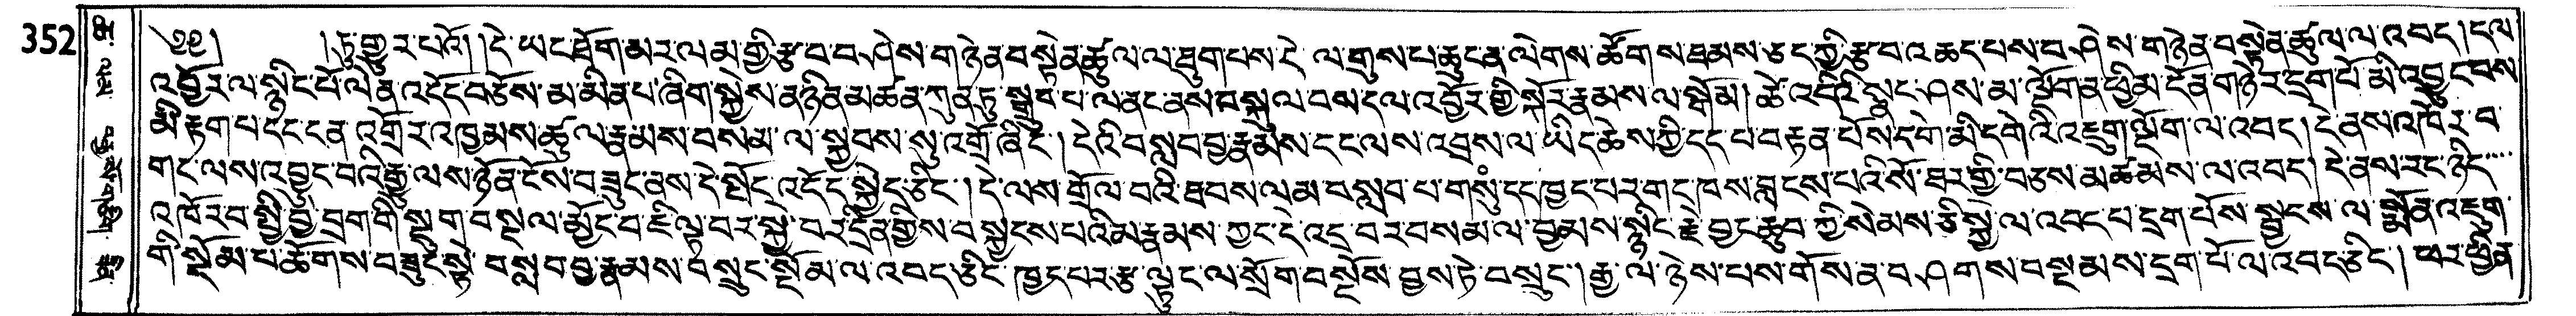༄༅། །ཏུ་གྱུར་པའོ། །དེ་ཡང་ཐོག་མར་ལམ་གྱི་རྩ་བ་བཤེས་གཉེན་བསྟེན་ཚུལ་ལ་ཐུག་པས་དེ་ལ་གུས་པ་ཆུང་ན་ལེགས་ཚོགས་ཐམས་ཅད་ཀྱི་རྩ་བ་འཆད་པས་བཤེས་གཉེན་བསྟེན་ཚུལ་ལ་འབད། དལ་
འབྱོར་ལ་སྙིང་པོ་ལེན་འདོད་བཅོས་མ་མིན་པ་ཞིག་སྐྱེས་ན་ཉིན་མཚན་ཀུན་ཏུ་སྒྲུབ་པ་ལ་ནང་ནས་བསྐུལ་བས་དལ་འབྱོར་གྱི་སྐོར་རྣམས་ལ་སྒོམ། ཚེ་འདིའི་སྣང་ཤས་མ་ལྡོག་ན་ཕྱི་མ་དོན་གཉེར་དྲག་པོ་མི་འབྱུང་བས་
མི་རྟག་པ་དང་ངན་འགྲོར་འཁྱམས་ཚུལ་རྣམས་བསམ་ལ་སྐྱབས་སུ་འགྲོ་ཞིང་། དེའི་བསླབ་བྱ་རྣམས་དང་ལས་འབྲས་ལ་ཡིད་ཆེས་ཀྱི་དད་པ་བརྟན་པོས་དགེ་མི་དགེའི་འཇུག་ལྡོག་ལ་འབད། དེ་ནས་འཁོར་བ་
གང་ལས་འབྱུང་བའི་རྒྱུ་ལས་ཉོན་ངོས་བཟུང་ནས་དེ་སྤོང་འདོད་སྐྱེད་ཅིང་། དེ་ལས་གྲོལ་བའི་ཐབས་ལམ་བསླབ་པ་གསུམ་དང་ཁྱད་པར་གང་ཁས་བླངས་པའི་སོ་ཐར་གྱི་བཅས་མཚམས་ལ་འབད། དེ་ནས་རང་ཉིད་
འཁོར་བ་སྤྱི་བྱེ་བྲག་གི་སྡུག་བསྔལ་མྱོང་བ་ཇི་ལྟ་བར་སྐྱེ་བར་དྲིན་གྱིས་བསྐྱངས་པའི་མ་རྣམས་ཀྱང་དེ་འདྲ་བར་བསམ་ལ་བྱམས་སྙིང་རྗེ་བྱང་ཆུབ་ཀྱི་སེམས་ཅི་སྐྱེ་ལ་འབད་པ་དྲག་པོས་སྦྱངས་ལ་སྨོན་འཇུག་
གི་སྡོམ་པ་ཆོ་གས་བཟུང་སྟེ་བསླབ་བྱ་རྣམས་བསྲུང་སྡོམ་ལ་འབད་ཅིང་ཁྱད་པར་རྩ་ལྟུང་ལ་སྲོག་བསྔོས་བྱས་ཏེ་བསྲུང་། རྒྱ་ལ་ཉེས་པས་གོས་ན་བཤགས་བསྔམས་དྲག་པོ་ལ་འབད་ཅིང་། ཕར་ཕྱིན་